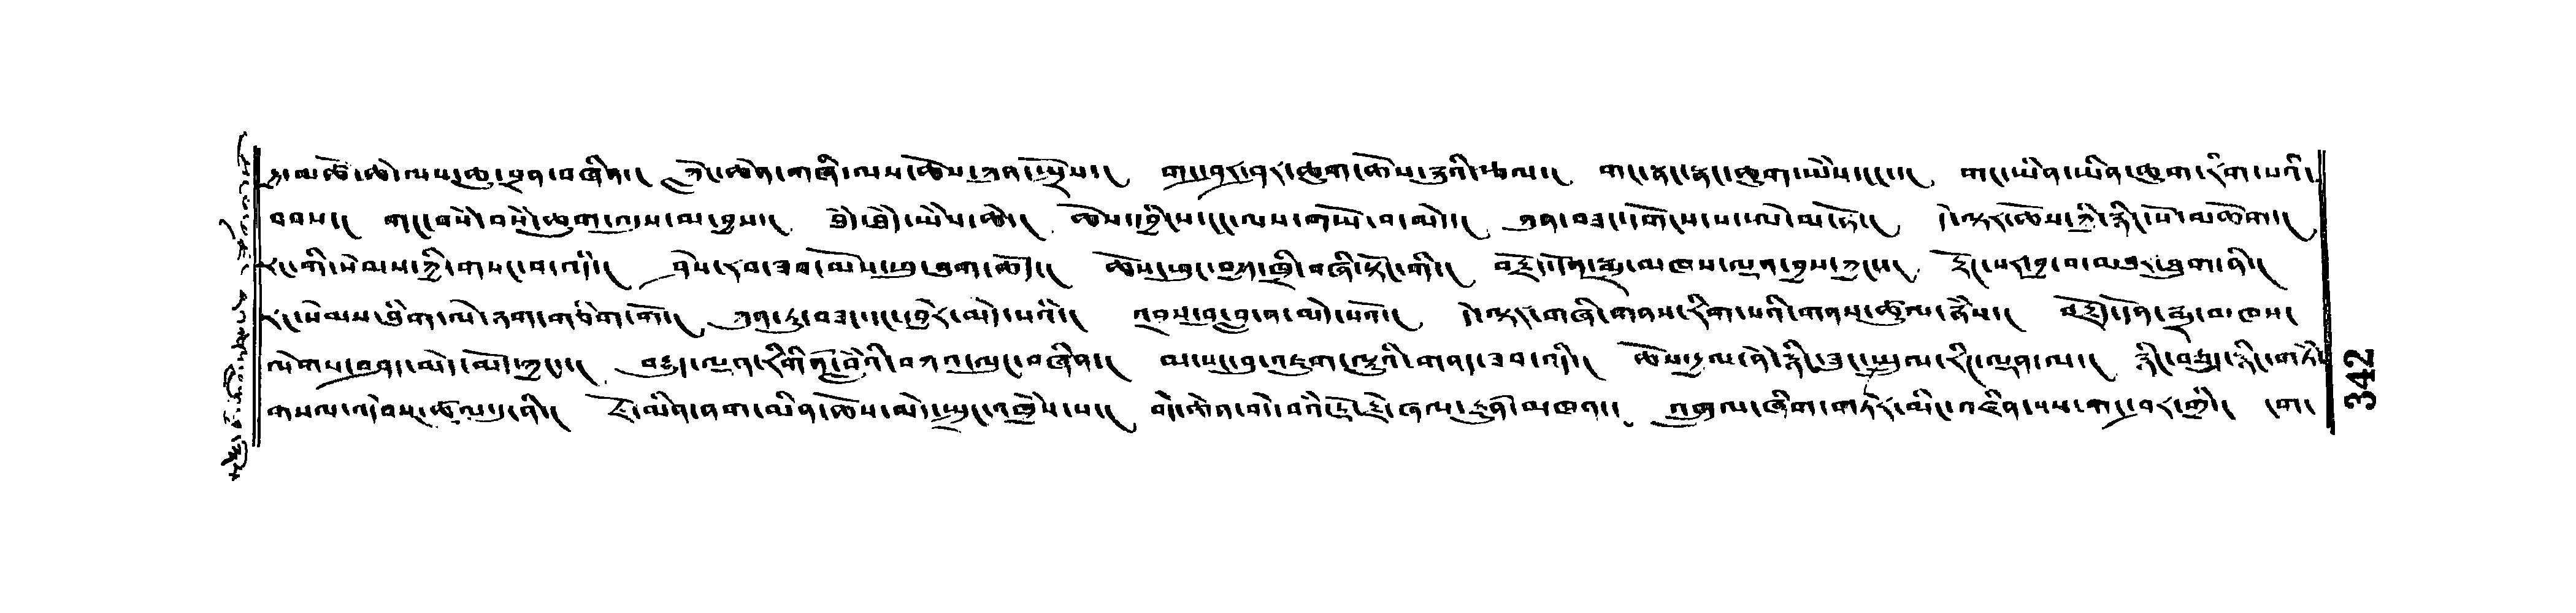།རྒྱ་མཚོ་ཆེ་ལས་ཆུ་བྲན་བཞིན། །ཀློང་ཆེན་གཞི་ལས་ཆོས་ཀུན་སྤྲོས། །གང་ཤར་ཤར་ཆུག་ཆོས་སྐུའི་རྩལ། །གང་སྣང་སྣང་ཆུག་ཡེ་ཤེས་ངང་། །གང་ཡིན་ཡིན་ཆུག་རིམ་པའི་
བབས། །གང་བསམ་བསམ་ཆུག་འདུས་མ་བྱས། །ཐམས་ཅད་ཐམས་ཅད་ཡེ་ཤེས་ཆེ། །ཆོས་དབྱིངས་ངང་ལས་གཡོ་བ་མེད། །ཀུན་བཟང་དགོངས་པ་ཨེ་མ་ཧོ། དེ་ལྟར་ཆོས་ཀྱི་སྙིང་པོ་མཆོག །
རང་གི་སེམས་ཀྱི་གསང་བ་འདི། །ཤེས་རབ་ཟབ་མོས་ཕུ་ཐག་ཆོད། །ཆོས་ཕུང་བརྒྱད་ཁྲི་བཞི་སྟོང་གི །བརྗོད་དོན་སྨྲ་མཁས་ལྡན་བྱས་ཀྱང་། །རྟོགས་པར་བྱ་བ་མཐར་ཐུག་ནི། །
རང་སེམས་ཐིག་ལེ་ཉག་གཅིག་གོ །ཀུན་ཏུ་བཟང་དང་དབྱེར་མེད་པའི། །འབྲས་བུ་བླ་ན་མེད་པའོ། །དེ་ལྟར་གཞི་གནས་རིག་པའི་གནས་ཚུལ་རྣམས། །བརྗོད་དོན་སྨྲ་མཁས་
ལེགས་བཤད་མེད་མོད་ཀྱང་། །བརྒྱུད་ལྡན་རིག་འཛིན་བླ་མའི་བཀའ་ལུང་བཞིན། །མ་པང་བུ་འཇུག་ལྟ་བུའི་གནད་ཟབ་འདི། །ཆོས་རྒྱལ་ནམ་སྙིང་ཟུང་སྤྲུལ་རིགས་ལྡན་ལ། །སྙིང་བཅུད་སྙིང་གཏམ་
གསལ་འདེབས་ཚུལ་དུ་ནི། །ཇོ་མིན་ནག་མིན་ཆོས་མེད་སྤྲང་འཁྱམས་པ། །བདེ་ཆེན་བདེ་བའི་རྡོ་རྗེ་ཞལ་རྫུན་མཁན། །འཁྲུལ་ཞིག་གཏེར་མིང་འཛིན་པས་གང་ཤར་གྱི། །ངག་